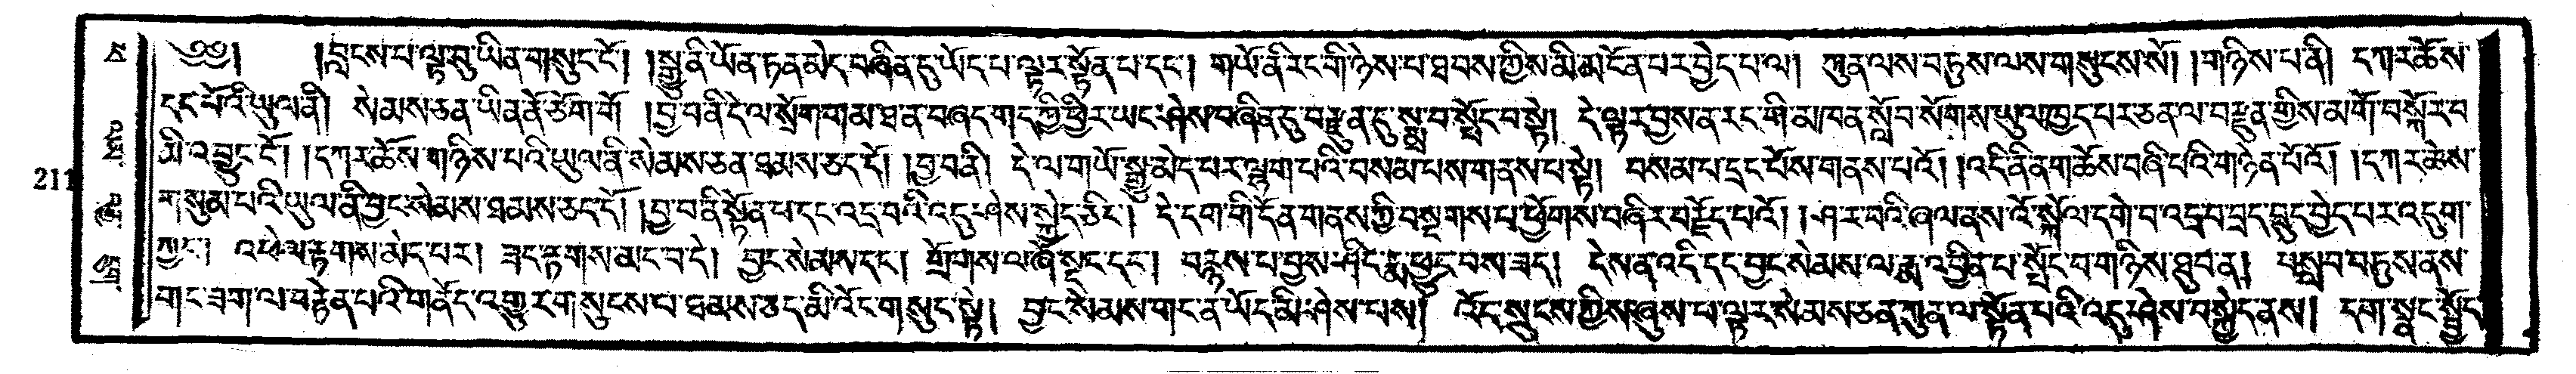༄༅། །བླངས་པ་ལྟ་བུ་ཡིན་གསུངས་ངོ། །སྒྱུ་ནི་ཡོན་ཏན་མེད་བཞིན་དུ་ཡོད་པ་ལྟར་སྟོན་པ་དང་། གཡོ་ནི་རང་གི་ཉེས་པ་ཐབས་ཀྱིས་མི་མངོན་པར་བྱེད་པ་ལ། ཀུན་ལས་བཏུས་ལས་གསུངས་སོ། །གཉིས་པ་ནི། དཀར་ཆོས་
དང་པོའི་ཡུལ་ནི། སེམས་ཅན་ཡིན་ནོ་ཅོག་གོ །བྱ་བ་ནི་དེ་ལ་སྲོག་གམ་ཐ་ན་བཞད་གད་ཀྱི་ཕྱིར་ཡང་ཤེས་བཞིན་དུ་བརྫུན་དུ་སྨྲ་བ་སྤོང་བ་སྟེ། དེ་ལྟར་བྱས་ན་རང་གི་མཁན་སློབ་སོགས་ཡུལ་ཁྱད་པར་ཅན་ལ་བརྫུན་གྱིས་མགོ་བསྐོར་བ་
ཡི་འབྱུང་ངོ། །དཀར་ཆོས་གཉིས་པའི་ཡུལ་ནི་སེམས་ཅན་ཐམས་ཅད་དོ། དེ་ལ་གཡོ་སྒྱུ་མེད་པར་ལྷག་པའི་བསམ་པས་གནས་པ་སྟེ། བསམ་པ་དྲང་པོས་གནས་པའོ། །འདི་ནི་ནག་ཆོས་བཞི་པའི་གཉེན་པོའོ། །དཀར་ཆེས་
གསུམ་པའི་ཡུལ་ནི་བྱང་སེམས་ཐམས་ཅད་དོ། །བྱ་བ་ནི་སྟོན་པ་དང་འདྲ་བའི་འདུ་ཤེས་སྐྱེད་ཅིང་། དེ་དག་གི་དོན་གནས་ཀྱི་བསྔགས་པ་ཕྱོགས་བཞིར་བརྗོད་པའོ། །ཤར་བའི་ཞལ་ནས་འོ་སྐོལ་དགེ་བ་འདྲ་བ་བྲད་བྲུད་བྱེད་པར་འདུག་
ཀྱང་། འཕེལ་རྟགས་མེད་པར། ཟང་རྟགས་མང་བ་དེ། བྱང་སེམས་དང་། གྲོགས་ལ་ཞོ་སྡང་དང་། བརྙས་པ་བྱས་ཤིང་རྨ་ཕྱུང་བས་ཟད། དེས་ན་འདི་དང་བྱང་སེམས་ལ་རྨ་འབྱིན་པ་སྤོང་བ་གཉིས་ཐུབ་ན། བསླབ་བཏུས་ནས་
གང་ཟག་ལ་བརྟེན་པའི་གནོད་འགྱུར་གསུངས་པ་ཐམས་ཅད་མི་འོང་གསུང་སྟེ། བྱང་སེམས་གང་ན་ཡོད་མི་ཤེས་པས། འོད་སྲུངས་ཀྱིས་ཞུས་པ་ལྟར་སེམས་ཅན་ཀུན་ལ་སྟོན་པའི་འདུ་ཤེས་བསྐྱེད་ནས། དག་སྣང་སྤྱོད་